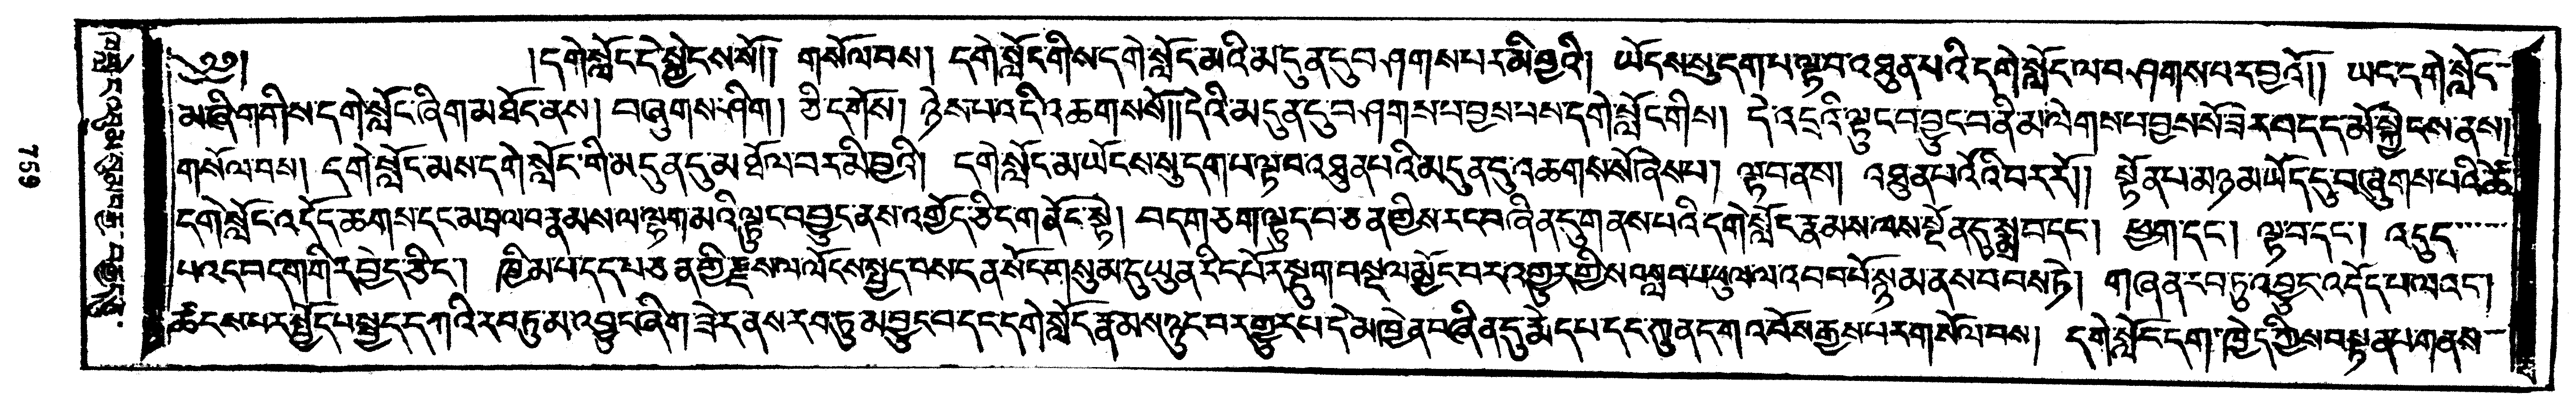༄༅། །དགེ་སློང་དེ་སྐྱེངས་སོ།། གསོལ་བས། དགེ་སློང་གིས་དགེ་སློང་མའི་མདུན་དུ་བཤགས་པར་མི་བྱའི། ཡོངས་སུ་དག་པ་ལྟ་བ་འཐུན་པའི་དགེ་སློང་ལ་བཤགས་པར་བྱའོ།། ཡང་དགེ་སློང་
མ་ཞིག་གིས་དགེ་སློང་ཞིག་མཐོང་ནས། བཞུགས་ཤིག། ཅི་དགོས། ཉེས་པ་འདི་འཆགས་སོ། །དེའི་མདུན་དུ་བཤགས་པ་བྱས་པས་དགེ་སློང་གིས། དེ་འདྲའི་ལྟུང་བ་བྱུང་བ་ནི་མ་ལེགས་པ་བྱས་སོ་ཟེར་བ་དད་མོ་སྐྱེངས་ནས།
གསོལ་བས། དགེ་སློང་མས་དགེ་སློང་གི་མདུན་དུ་མཐོལ་བར་མི་བྱའི། དགེ་སློང་མ་ཡོངས་སུ་དག་པ་ལྟ་བ་འཐུན་པའི་མདུན་དུ་འཆགས་སོ་ཞེས་པ། ལྟ་བ་ནས། འཐུན་པའོའི་བར་རོ།། སྟོན་པ་མཉམ་ཡོད་དུ་བཞུགས་པའི་ཚེ་
དགེ་སློང་འདོད་ཆགས་དང་མ་བྲལ་བ་རྣམས་ལ་ལྷག་མའི་ལྟུང་བ་བྱུང་ནས་འགྱོད་ཅིང་གནོད་སྟེ། བདག་ཅག་ལྟུང་བ་ཅན་གྱིས་རང་བཞིན་དུ་གནས་པའི་དགེ་སློང་རྣམས་ལས་སྔོན་དུ་སྨྲ་བ་དང་། ཕྱག་དང་། ལྟ་བ་དང་། འདུད་
པའང་བདག་གིར་བྱེད་ཅིང་། ཁྱིམ་པ་དད་པ་ཅན་གྱི་རྫས་ལ་ལོངས་སྤྱད་བས་ངན་སོང་གསུམ་དུ་ཡུན་རིང་པོར་སྡུག་བསྔལ་མྱོང་བར་འགྱུར་གྱིས་བསླབ་པ་ཕུལ་ལ་འབབ་པོ་སྙམ་ནས་བབས་ཏེ། གཞན་རབ་ཏུ་འབྱུང་འདོད་པ་ལའང་།
ཚངས་པར་སྤྱོད་པ་སྤྱད་དཀའི་རབ་ཏུ་མ་འབྱུང་ཞིག་ཟེར་ནས་རབ་ཏུ་མ་བྱུང་བ་དང་དགེ་སློང་རྣམས་ཉུང་བར་གྱུར་པ་དེ་མཁྱེན་བཞིན་དུ་རྨེད་པ་དང་ཀུན་དགའ་བོས་རྒྱས་པར་གསོལ་བས། དགེ་སློང་དག་ཁྱེད་ཀྱིས་བསྟན་པ་གནས་